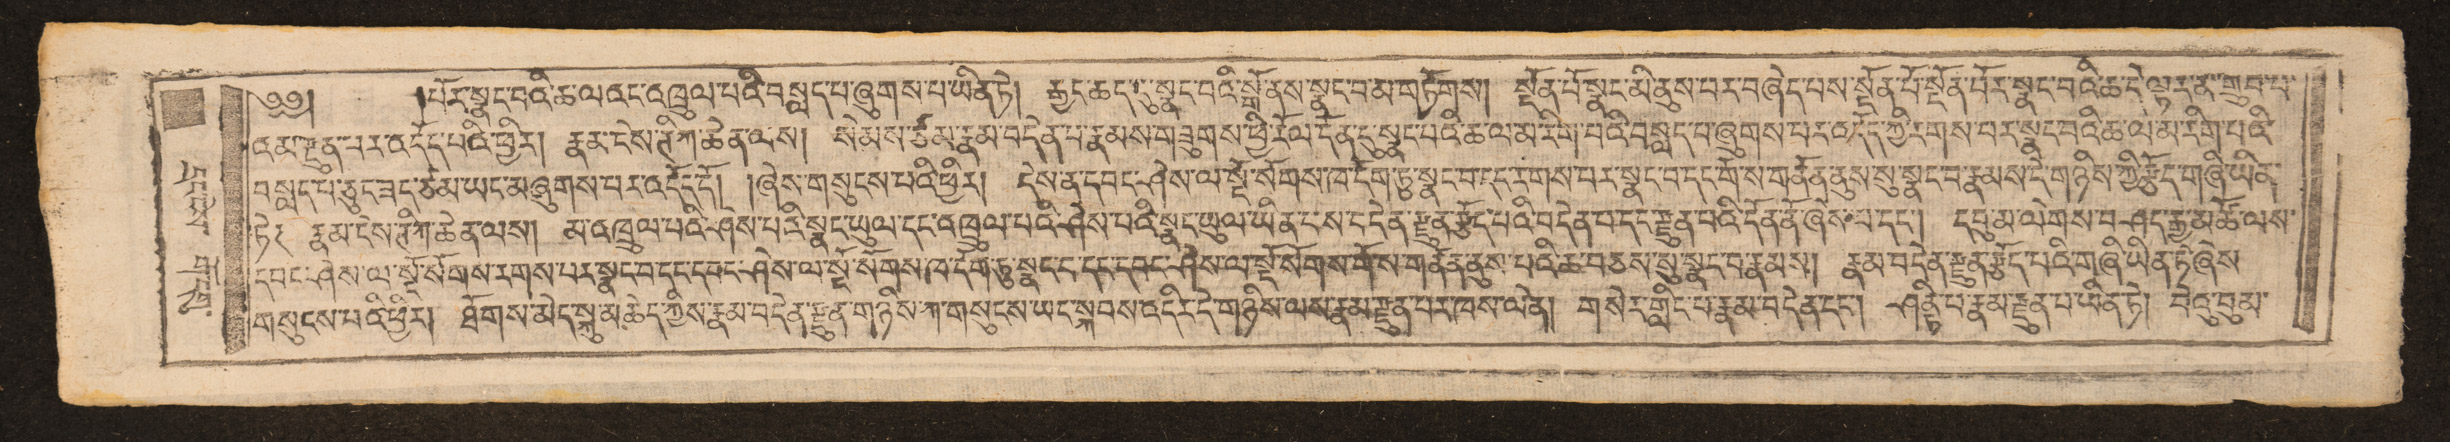༄༅། །པོར་སྣང་བའི་ཆ་ལའང་འཁྲུལ་པའི་བསླད་པ་ཞུགས་པ་ཡིན་ཏེ། རྒྱང་ཆད་དུ་སྣང་བའི་སྒོ་ནས་སྣང་བ་མ་གཏོགས། སྔོན་པོ་སྣང་མི་ནུས་པར་བཞེད་པས་སྔོན་པོ་སྔོན་པོར་སྣང་བའི་ཆ་དེ་ལྟར་མ་གྲུབ་པ་
འམ་རྫུན་པར་འདོད་པའི་ཕྱིར། རྣམ་ངེས་ཊིཀ་ཆེན་ལས། སེམས་ཙམ་རྣམ་བདེན་པ་རྣམས་གཟུགས་ཕྱི་རོལ་དོན་དུ་སྣང་བའི་ཆ་ལམ་རིག་པའི་བསླད་པ་ཞུགས་པར་འདོད་ཀྱི་རགས་པར་སྣང་བའི་ཆ་ལ་མ་རིག་པའི་
བསླད་པ་ཅུང་ཟད་ཙམ་ཡང་མ་ཞུགས་པར་འདོད་དོ། །ཞེས་གསུངས་པའི་ཕྱིར། དེས་ན་དབང་ཤེས་ལ་སྔོ་སོགས་ཁ་དོག་ཏུ་སྣང་བ་དང་རགས་པར་སྣང་བ་དང་གོ་ས་གནོན་ནུས་སུ་སྣང་བ་རྣམས་དེ་གཉིས་ཀྱི་རྩོད་གཞི་ཡིན་
ཏེ༑ རྣམ་ངེས་ཊིཀ་ཆེན་ལས། མ་འཁྲུལ་པའི་ཤེས་པའི་སྣང་ཡུལ་དང་འཁྲུལ་པའི་ཤེས་པའི་སྣང་ཡུལ་ཡིན་པས་བདེན་རྫུན་རྩོད་པའི་བདེན་པ་དང་རྫུན་པའི་དོན་ནོ་ཞེས་པ་དང་། དབུ་མ་ལེགས་བཤད་རྒྱ་མཚོ་ལས་
དབང་ཤེས་ལ་སྔོ་སོགས་རགས་པར་སྣང་བ་དང་དབང་ཤེས་ལ་སྔོ་སོགས་ཁ་དོག་ཏུ་སྣང་བ་དང་དབང་ཤེས་ལ་སྔོ་སོགས་གོ་ས་གནོན་ནུས་པའི་ཆ་བཅས་སུ་སྣང་བ་རྣམས། རྣམ་བདེན་རྫུན་རྩོད་པའི་གཞི་ཡིན་ཏེ་ཞེས་
གསུངས་པའི་ཕྱིར། ཐོགས་མེད་སྐུ་མཆེད་ཀྱིས་རྣམ་བདེན་རྫུན་གཉིས་ཀ་གསུངས་ཡང་སྐབས་འདིར་དེ་གཉིས་ལས་རྣམ་རྫུན་པར་ཁས་ལེན། གསེར་གླིང་པ་རྣམ་བདེན་དང་། ཤིནྟ་པ་རྣམ་རྫུན་པ་ཡིན་ཏེ། བེའུ་འུམ་